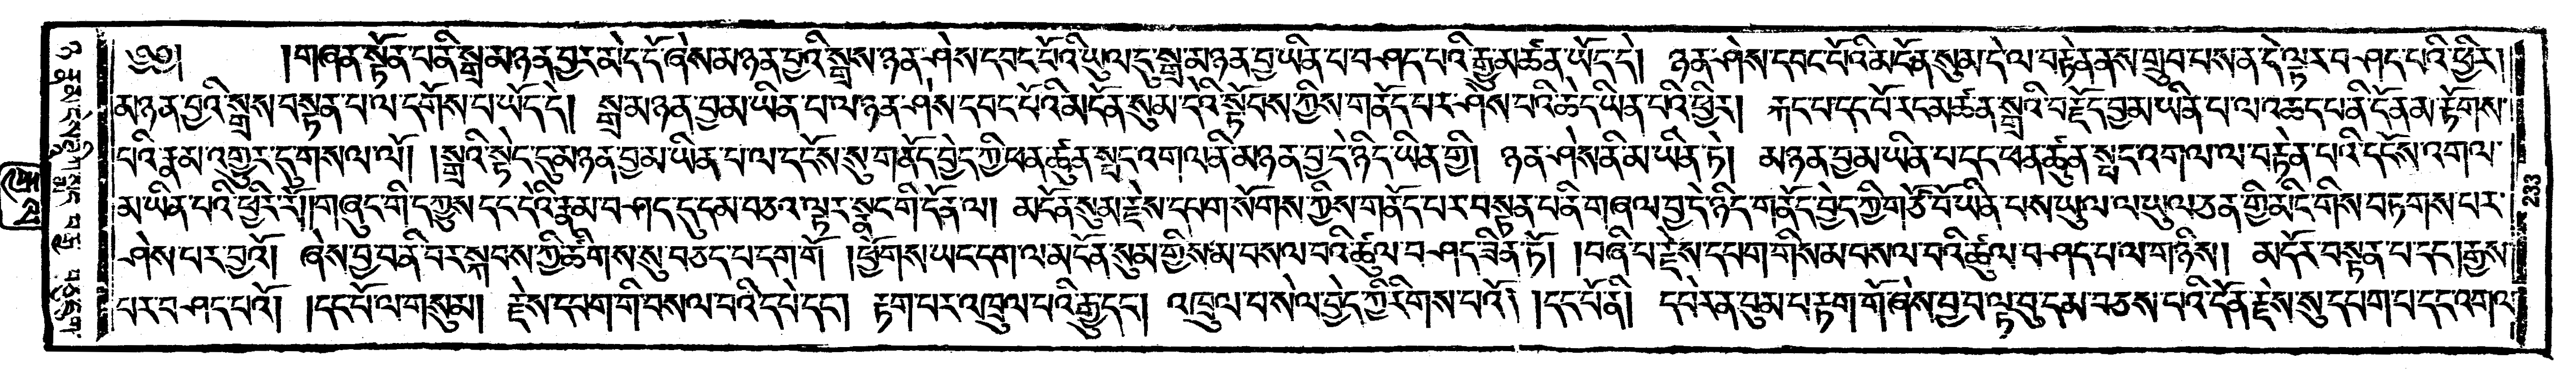༄༅། །གཞན་སྟོན་པ་ནི་སྒྲ་མཉན་བྱར་མེད་དོ་ཞེས་མཉན་བྱའི་སྒྲས་ཉན་ཤེས་དབང་པོའི་ཡུལ་དུ་སྒྲ་མཉན་བྱ་ཡིན་པ་བཤད་པའི་རྒྱུ་མཚན་ཡོད་དེ། ཉན་ཤེས་དབང་པོའི་མངོན་སུམ་དེ་ལ་བརྟེན་ནས་གྲུབ་པས་ན་དེ་ལྟར་བཤད་པའི་ཕྱིར།
མཉན་བྱའི་སྒྲས་བསྟན་པ་ལ་དགོས་པ་ཡོད་དེ། སྒྲ་མཉན་བྱ་མ་ཡིན་པ་ལ་ཉན་ཤེས་དབང་པོའི་མངོན་སུམ་དེའི་སྟོབས་ཀྱིས་གནོད་པར་ཤེས་པའི་ཆེད་ཡིན་པའི་ཕྱིར། རྐང་པ་དང་པོ་རང་མཚན་སྒྲའི་བརྗོད་བྱ་མ་ཡིན་པ་ལ་འཆད་པ་ནི་དོན་མ་རྟོགས་
པའི་རྣམ་འགྱུར་དུ་གསལ་ལོ། །སྒྲའི་སྟེང་དུ་མཉན་བྱ་མ་ཡིན་པ་ལ་དངོས་སུ་གནོད་བྱེད་ཀྱི་ཕན་ཚུན་སྤང་འགལ་ནི་མཉན་བྱ་དེ་ཉིད་ཡིན་གྱི། ཉན་ཤེས་ནི་མ་ཡིན་ཏེ། མཉན་བྱ་མ་ཡིན་པ་དང་ཕན་ཚུན་སྤང་འགལ་ལ་བརྟེན་པའི་དངོས་འགལ་
མ་ཡིན་པའི་ཕྱིར་རོ། །གཞུང་གི་དཀྱུས་དང་དེའི་རྣམ་བཤད་དུ་དམ་བཟའ་ལྟར་སྣང་དི་དོན་ལ། མངོན་སུམ་རྗེས་དཔག་སོགས་ཀྱིས་གནོད་པར་བསྟན་པ་ནི་གཞལ་བྱ་དེ་ཉིད་གནོད་བྱེད་ཀྱི་གཙོ་བོ་ཡིན་པས་ཡུལ་ལ་ཡུལ་ཅན་གྱི་མིང་གིས་བཏགས་པར་
ཤེས་པར་བྱའོ། ཞེས་བྱ་བ་ནི་བར་སྐབས་ཀྱི་ཚིགས་སུ་བཅད་པ་དག་གོ །ཕྱོགས་ཡང་དག་ལ་མངོན་སུམ་གྱིས་མ་བསལ་བའི་ཚུལ་བཤད་ཟིན་ཏོ། །བཞི་པ་རྗེས་དཔག་གིས་མ་བསལ་བའི་ཚུལ་བཤད་པ་ལ་གཉིས། མདོར་བསྟན་པ་དང་། རྒྱས་
པར་བཤད་པའོ། །དང་པོ་ལ་གསུམ། རྗེས་དཔག་གི་བསལ་བའི་དཔེ་དང་། རྟག་པར་འཁྲུལ་པའི་རྒྱུ་དང་། འཁྲུལ་པ་སེལ་བྱེད་ཀྱི་རིགས་པའོ། །དང་པོ་ནི། དཔེར་ན་བུམ་པ་རྟག་གོ་ཞེས་བྱ་བ་ལྟ་བུ་དམ་བཅས་པའི་དོན་རྗེས་སུ་དཔག་པ་དང་འགལ་